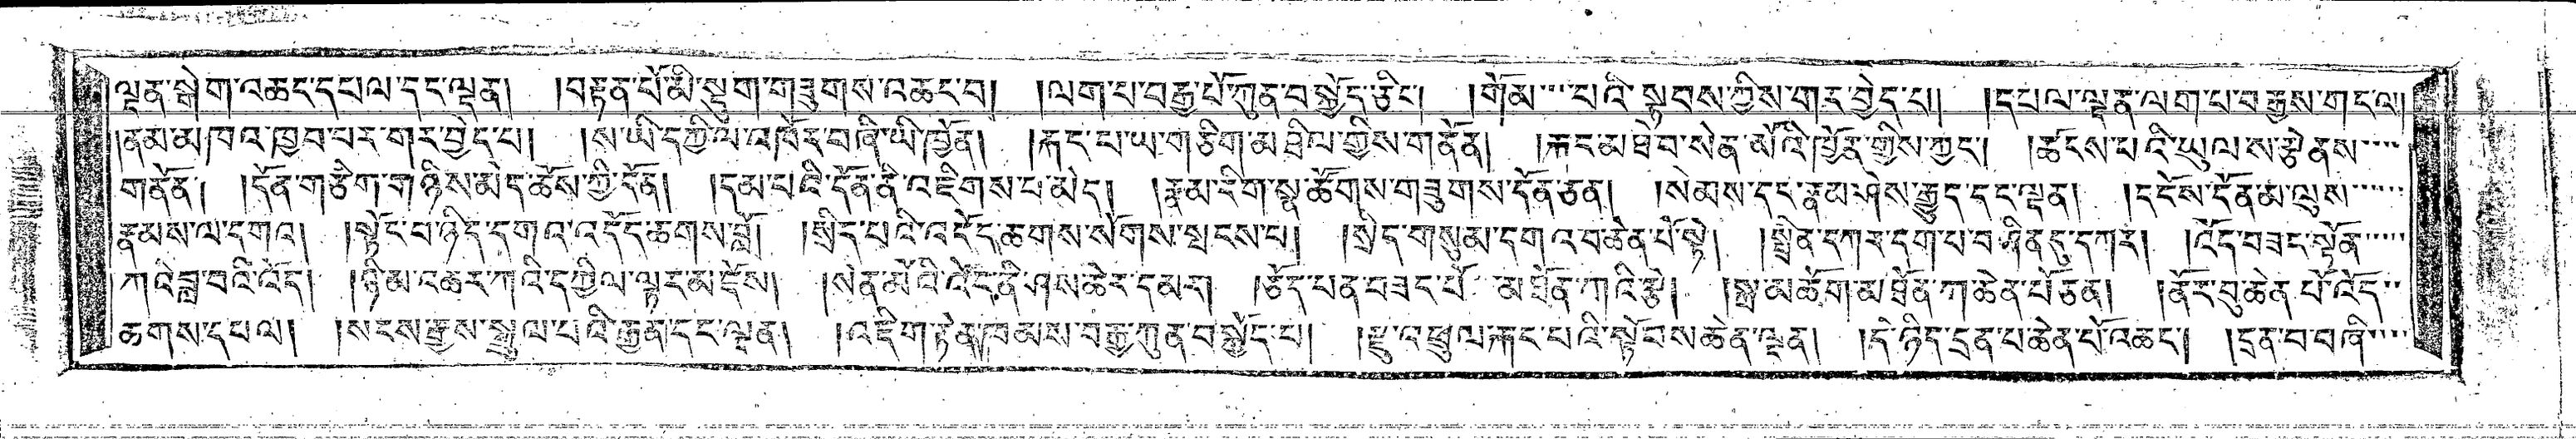ལྡན་སྒེག་འཆང་དཔལ་དང་ལྡན། །བརྟན་པོ་མི་སྡུག་གཟུགས་འཆང་བ། །ལག་པ་བརྒྱ་པོ་ཀུན་བསྐྱོད་ཅིང་། །གོམ་པའི་སྟབས་ཀྱིས་གར་བྱེད་པ། །དཔལ་ལྡན་ལག་པ་བརྒྱས་གང་ལ།
།ནམ་མཁའ་ཁྱབ་པར་གར་བྱེད་པ། །ས་ཡི་དཀྱིལ་འཁོར་བཞི་ཡི་ཁྱོན། །རྐང་པ་ཡ་གཅིག་མཐིལ་གྱིས་གནོན། །རྐང་མཐེབ་སེན་མོའི་ཁྱོན་གྱིས་ཀྱང་། །ཚངས་པའི་ཡུལ་ས་རྩེ་ནས་
གནོན། །དོན་གཅིག་གཉིས་མེད་ཆོས་ཀྱི་དོན། །དམ་པའི་དོན་ནི་འཇིགས་པ་མེད། །རྣམ་རིག་སྣ་ཚོགས་གཟུགས་དོན་ཅན། །སེམས་དང་རྣམ་ཤེས་རྒྱུད་དང་ལྡན། །དངོས་དོན་མ་ལུས་
རྣམས་ལ་དགའ། །སྟོང་པ་ཉིད་དགའ་འདོད་ཆགས་བློ། །སྲིད་པའི་འདོད་ཆགས་སོགས་སྤངས་པ། །སྲིད་གསུམ་དགའ་བ་ཆེན་པོ་སྟེ། །སྤྲིན་དཀར་དག་པ་བཤིན་དུ་དཀར། །འོད་བཟང་སྟོན་
ཀའི་ཟླ་བའི་འོད། །ཉི་མ་འཆར་ཀའི་དཀྱིལ་ལྟར་མཛེས། །སེན་མོའི་འོད་ནི་ཤས་ཆེར་དམར། །ཅོད་པན་བཟང་པོ་མཐོན་ཀའི་རྩེ། །སྐྲ་མཆོག་མཐོན་ཀ་ཆེན་པོ་ཅན། །ནོར་བུ་ཆེན་པོ་འོད་
ཆགས་དཔལ། །སངས་རྒྱས་སྤྲུལ་པའི་རྒྱན་དང་ལྡན། །འཇིག་རྟེན་ཁམས་བརྒྱ་ཀུན་བསྐྱོད་པ། །རྫུ་འཕྲུལ་རྐང་པའི་སྟོབས་ཆེན་ལྡན། །དེ་ཉིད་དྲན་པ་ཆེན་པོ་འཆང་། །དྲན་པ་བཞི་